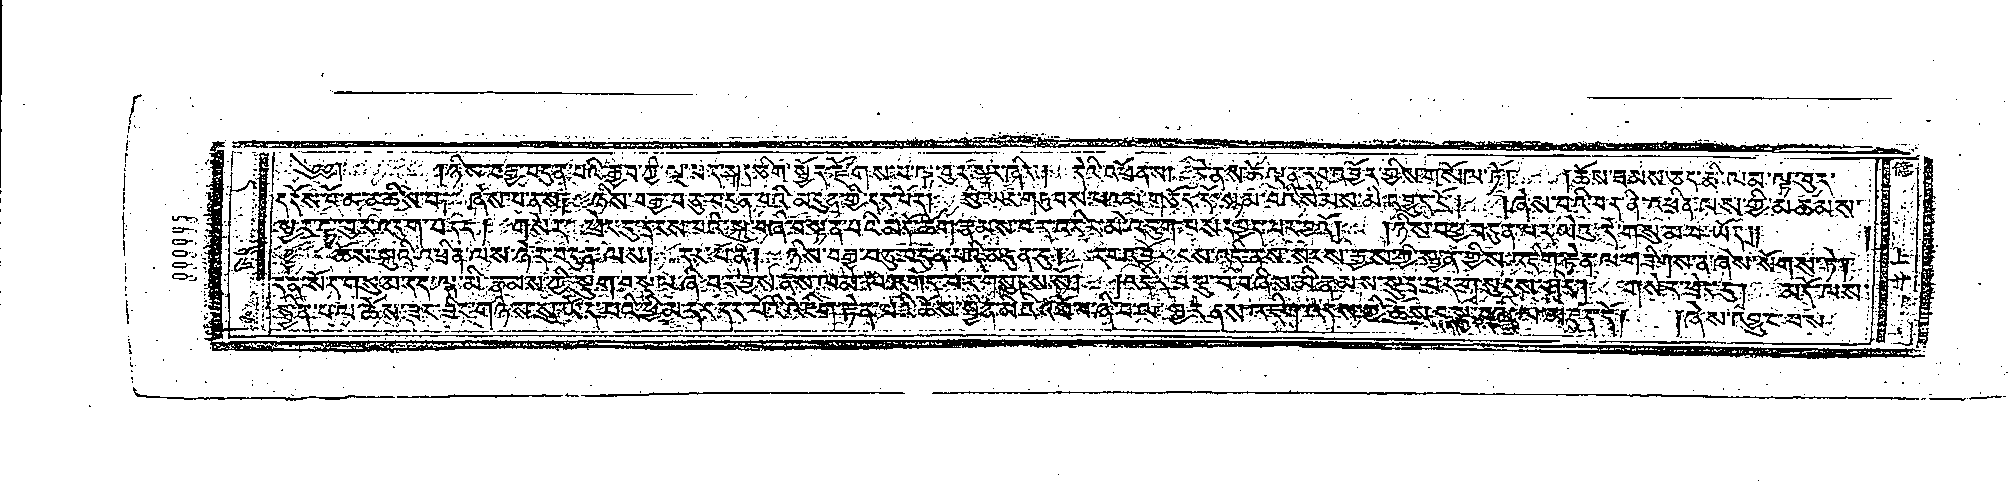༄༅། །ཉིས་བརྒྱ་བདུན་པའི་རྒྱབ་ཀྱི་ལྔ་པར་སྐད་ཅིག་སྦྱོར་རྫོགས་པ་ལྟ་བུར་སྣང་ཞིང་། དེའི་འཕྲོ་ནས། དེ་ནས་ཚེ་ལྡན་རབ་འབྱོར་གྱིས་གསོལ་ཏོ། །ཆོས་ཐམས་ཅད་རྨི་ལམ་ལྟ་བུར་
དངོས་པོ་མ་མཆིས་པ། ཞེས་པ་ནས། ཉིས་བརྒྱ་བཅུ་བདུན་པའི་མདུན་གྱི་དད་པོར། སུ་ཡང་གཏུབས་པའམ་གཅོད་དོ་སྙམ་བའི་སེམས་མི་འབྱུང་ངོ། །ཞེས་པའི་བར་ནི་འཕྲིན་ལས་གྱི་མཚམས་
སྦྱར་ལྟ་བུར་འདུག་པ་དང་། གསེར་ཕྲེང་དུ་དྲངས་པའི་སྐུ་བཞི་བསྟན་པའི་མདོ་ཚིག་རྣམས་བར་འདིར་མི་འཇུག་པས་དཔྱད་པར་བྱའོ། །ཉིས་བརྒྱ་བདུན་པར་ལེའུ་དེ་གསུམ་པ་ཡོད།། །།
༈ ཆོས་སྐུའི་འཕྲིན་ལས་ཉེར་བདུན་ལས། དང་པོ་ནི། ཉིས་བརྒྱ་བཅུ་བདུན་པའི་མདུན་དུ། རབ་འབྱོར་ངས་འདི་ནས་སངས་རྒྱས་ཀྱི་སྦྱན་གྱིས་འཇིག་རྟེན་ལ་གཟིགས་ན་ཞེས་སོགས་ཏེ།
ངན་སོང་གསུམ་དང་ལྷ་མི་རྣམས་ཀྱི་སྡུག་བསྔལ་ཞི་བར་བྱས་ནས་ལམ་ལ་འགོད་པར་གསུངས་སོ། །འདིར་བསྡུ་བ་བཞིས་མི་རྣམས་སྡུད་པར་གསུངས་ཤིང་། གསེར་ཕྲེང་དུ། མདོ་ལས་
སྦྱིན་པ་ལ་ཆོས་ཟང་ཟིང་གཉིས་སུ་ཡོད་པའི་ཕྱི་མ་དང་དང་པོའི་འཇིག་རྟེན་པའི་ཆོས་སྦྱིན་མིའི་འགྲོ་བ་ཞི་བ་ལ་སྦྱར་ནས་འཇིག་འདས་ཀྱི་ཆོས་བསྡུ་བཞི་ལ་མཛད་དོ། །ཞེས་འབྱུང་པས་